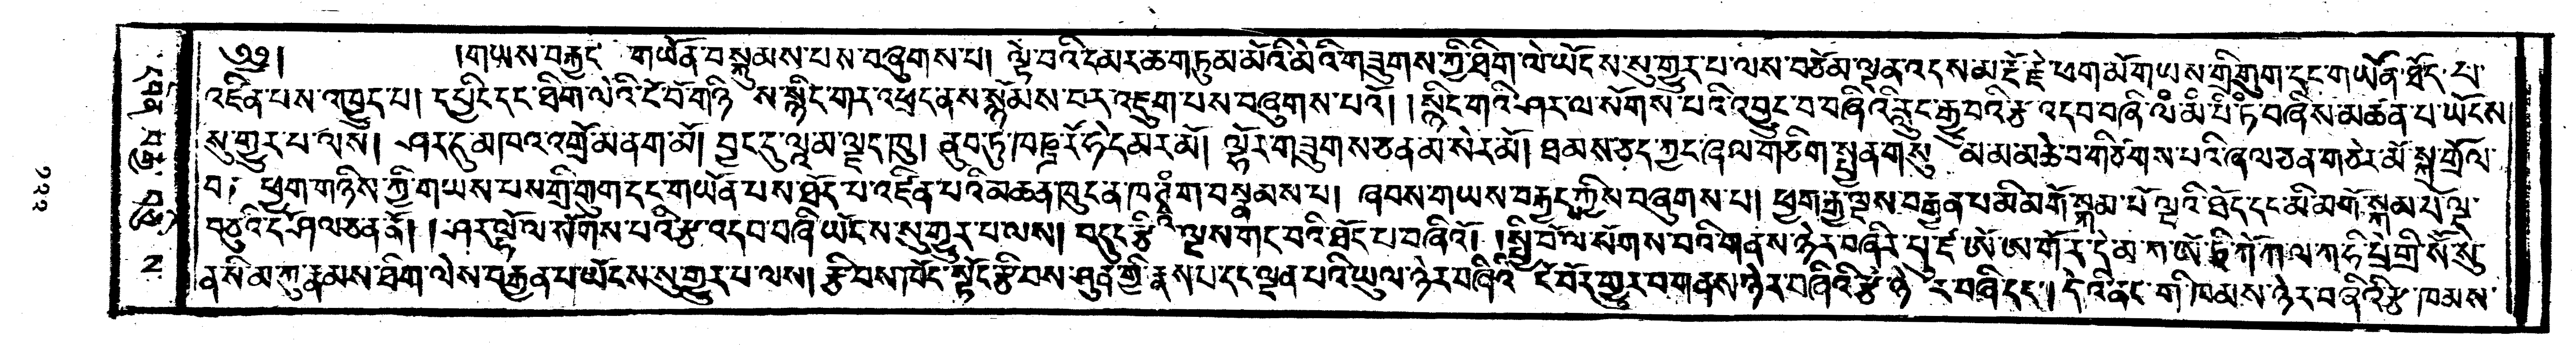༄༅། །གཡས་བརྐྱང་གཡོན་བསྐུམས་པས་བཞུགས་པ། ལྟེ་བའི་དམར་ཆ་གཏུམ་མོའི་མེའི་གཟུགས་ཀྱི་ཐིག་ལེ་ཡོངས་སུ་གྱུར་པ་ལས་བཅོམ་ལྡན་འདས་མ་རྡོ་རྗེ་ཕག་མོ་གཡས་གྲི་གུག་དང་གཡོན་ཐོད་པ་
འཛིན་པས་འཁྱུད་པ། དཔྱིང་དང་ཐིག་ལེའི་ངོ་བོ་གཉིས་སྙིང་གར་འཕྲད་ནས་སྙོམས་བར་འཇུག་པས་བཞུགས་པའོ། །སྙིང་གའི་ཤར་ལ་སོགས་པའི་འབྱུང་བ་བཞིའི་རླུང་རྒྱུ་བའི་རྩ་འདབ་བཞི་ལཾ་མཾ་བཾ་ཏཾ་བཞིས་མཚན་པ་ཡོངས་
སུ་གྱུར་པ་ལས། ཤར་དུ་མཁའ་འགྲོ་མ་ནག་མོ། བྱང་དུ་ལཱ་མ་ལྗང་ཁུ། ནུབ་ཏུ་ཁཎྜ་རོ་ཧེ་དམར་མོ། ལྷོར་གཟུགས་ཅན་མ་སེར་མོ། ཐམས་ཅད་ཀྱང་ཞལ་གཅིག་སྤྱན་གསུམ་མ་མཆེ་བ་གཙིགས་པའི་ཞལ་ཅན་གཅེར་མོ་སྐྲ་གྲོལ་
བ༑ ཕྱག་གཉིས་ཀྱི་གཡས་པས་གྲི་གུར་དང་གཡོན་པས་ཐོད་པ་འཛིན་པའི་མཆན་ཁུང་ན་ཁ་ཊྭཱཾ་ག་བསྣམས་པ། ཞབས་གཡས་བརྐྱངས་ཀྱིས་བཞུགས་པ། ཕྱག་རྒྱ་ལྔས་བརྒྱན་པ་མི་མགོ་སྐམ་པོ་ལྔའི་ཐོད་དང་མི་མགོ་སྐམ་པོ་ལྔ་
བཅུའི་དོ་ཤལ་ཅན་ནོ། །ཤར་ལྷོ་ལ་སོགས་པའི་རྩ་འདབ་བཞི་ཡོངས་སུ་གྱུར་པ་ལས། བདུང་རྩིའི་ལྔས་གང་བའི་ཐོད་པ་བཞིའོ། །སྤྱི་བོ་ལ་སོགས་བའི་གནས་ཉེར་བཞིར་པུ་ཛ་ཨོ་ཨ་གོ་ར་དེ་མ་ཀ་ཨོ་ཏྲི་ཀོ་ཀ་ལ་ཀ་ཧི་པྲེ་གྲི་སོ་སུ་
ན་སི་མ་ཀུ་རྣམས་ཐིག་ལེས་བརྒྱན་པ་ཡོངས་སུ་གྱུར་པ་ལས། རྩི་པས་ཁོང་སྟོང་རྩིབས་ཤུན་གྱི་རྣས་པ་དང་ལྡན་པའི་ཡུལ་ཉེར་བཞིའི་ངོ་བོར་གྱུར་པ་གནས་ཉེར་བཞིའི་རྩེ་ཉེར་བཞི་དང་། དེའི་ནང་གི་ཁམས་ཉེར་བཞིའི་རྩ་ཁམས་